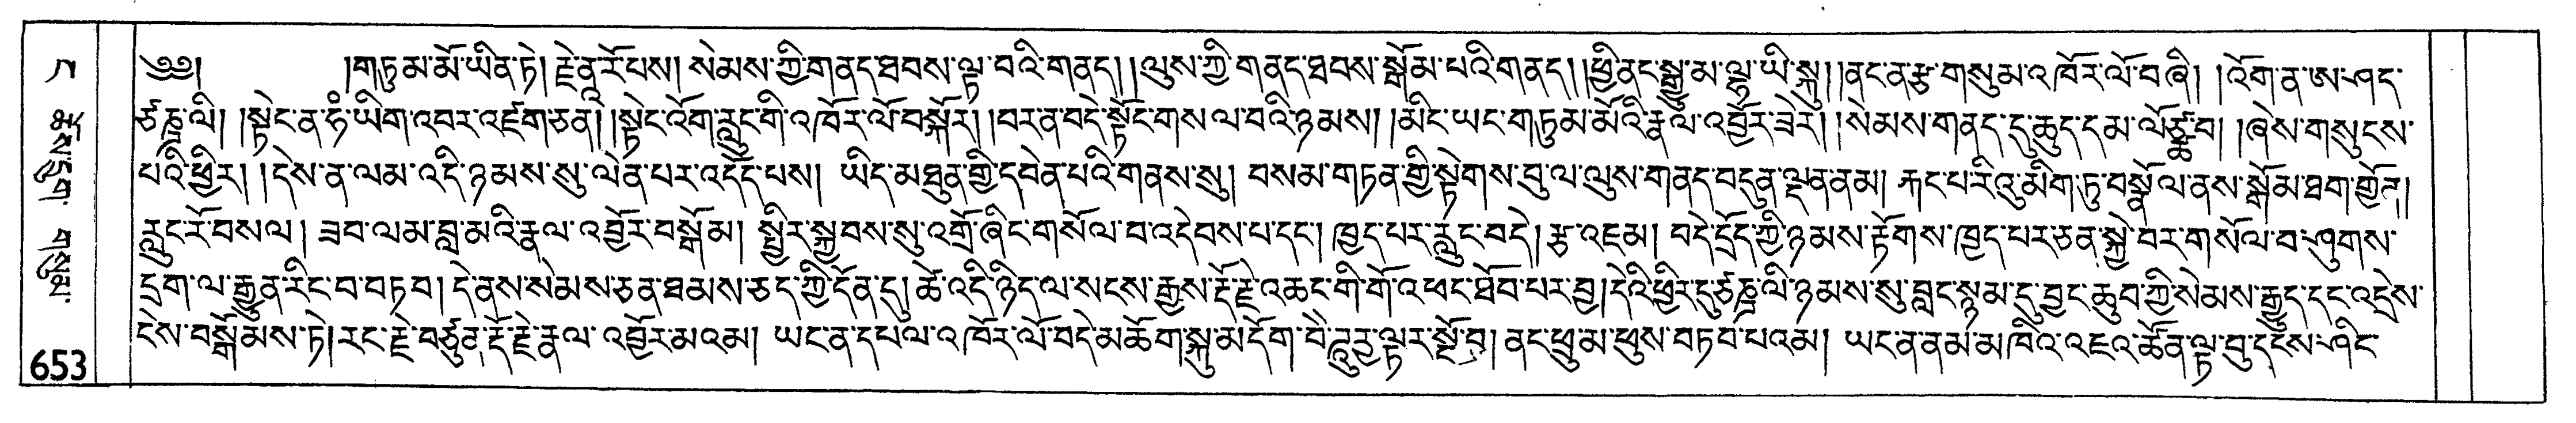༄༅། །གཏུམ་མོ་ཡིན་ཏེ། རྗེ་ནཱ་རོ་པས། སེམས་ཀྱི་གནད་ཐབས་ལྟ་བའི་གནད། །ལུས་ཀྱི་གནད་ཐབས་སྒོམ་པའི་གནད། །ཕྱི་ནང་སྒྱུ་མ་ལྷ་ཡི་སྐུ། །ནང་ན་རྩ་གསུམ་འཁོར་ལོ་བཞི། །འོག་ན་ཨ་ཤད་
ཙཎྜ་ལི། །སྟེང་ན་ཧཾ་ཡིག་འབར་འཛག་ཅན། །སྟེང་འོག་རླུང་གི་འཁོར་ལོ་བསྐོར། །བར་ན་བདེ་སྟོང་གསལ་བའི་ཉམས། །མིང་ཡང་གཏུམ་མོའི་རྣལ་འབྱོར་ཟེར། །སེམས་གནད་དུ་ཆུད་དམ་ལོ་ཙྪ་བ། །ཞེས་གསུངས་
པའི་ཕྱིར། །དེས་ན་ལམ་འདི་ཉམས་སུ་ལེན་པར་འདོད་པས། ཡིད་མཐུན་གྱི་དབེན་པའི་གནས་སུ། བསམ་གཏན་གྱི་སྟེགས་བུ་ལ་ལུས་གནད་བདུན་ལྡན་ནམ། རྐང་པ་རིའུ་མིག་ཏུ་བསྣོལ་ནས་སྒོམ་ཐག་གྱོན།
རླུང་རོ་བསལ། ཟབ་ལམ་བླ་མའི་རྣལ་འབྱོར་བསྒོམ། སྤྱིར་སྐྱབས་སུ་འགྲོ་ཞིང་གསོལ་བ་འདེབས་པ་དང་། ཁྱད་པར་རླུང་བདེ། རྩ་འཇམ། བདེ་དྲོད་ཀྱི་ཉམས་རྟོགས་ཁྱད་པར་ཅན་སྐྱེ་བར་གསོལ་བ་ཤུག་
དྲག་ལ་རྒྱུན་རིང་བ་བཏབ། དེ་ནས་སེམས་ཅན་ཐམས་ཅད་ཀྱི་དོན་དུ། ཚེ་འདི་ཉིད་ལ་སངས་རྒྱས་རྡོ་རྗེ་འཆང་གི་གོ་འཕང་ཐོབ་པར་བྱ། དེའི་ཕྱིར་དུ་ཙཎྜ་ལི་ཉམས་སུ་བླང་སྙམ་དུ་བྱང་ཆུབ་ཀྱི་སེམས་རྒྱུད་དང་འདྲེས་
ངེས་བསྒོམས་ཏེ། རང་རྗེ་བཙུན་རྡོ་རྗེ་རྣལ་འབྱོར་མའམ། ཡང་ན་དཔལ་འཁོར་ལོ་བདེ་མཆོག་སྐུ་མདོག་བཻ་ཌཱུརྱ་ལྟར་སྔོ་བ། ནང་ཕྲུ་མ་ཕུས་བཏབ་པའམ། ཡང་ན་ནམ་མཁའི་འཇའ་ཚོན་ལྟ་བུ་དངས་ཤིང་